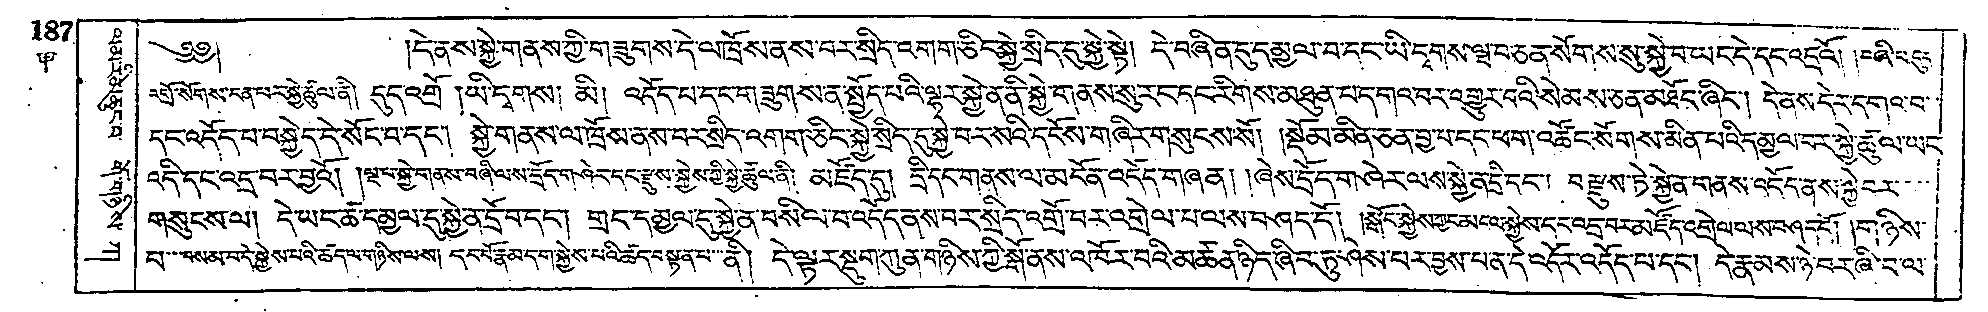༄༅། །དེ་ནས་སྐྱེ་གནས་ཀྱི་གཟུགས་དེ་ལ་ཁྲོས་ནས་བར་སྲིད་འགག་ཅིང་སྐྱེ་སྲིད་དུ་སྐྱེ་སྟེ། དེ་བཞིན་དུ་དམྱལ་བ་དང་ཡི་དྭགས་ལྦ་ཅན་སོགས་སུ་སྐྱེ་བ་ཡང་དེ་དང་འདྲའོ། །བཞི་བ་དུད་
འགྲོ་སོགས་ངན་པར་སྐྱེ་ཚུལ་ནི། དུད་འགྲོ། །ཡི་དྭགས། མི། འདོད་པ་དང་གཟུགས་ན་སྤྱོད་པའི་ལྷར་སྐྱེ་ན་ནི་སྐྱེ་གནས་སུ་རང་དང་རིགས་མཐུན་པ་དགའ་བར་འགྱུར་བའི་སེམས་ཅན་མཐོང་ཞིང་། དེ་ནས་དེར་དགའ་བ་
དང་འདོད་པ་བསྐྱེད་དེ་སོང་བ་དང་། སྐྱེ་གནས་ལ་ཁྲོས་ནས་བར་སྲིད་འགག་ཅིང་སྐྱེ་སྲིད་དུ་སྐྱེ་བར་སའི་དངོས་གཞིར་གསུངས་སོ། །སྡོམ་མིན་ཅན་བྱ་བ་དང་ཕག་འཚོང་སོགས་མིན་པའི་དམྱལ་བར་སྐྱེ་ཚུལ་ཡང་
འདི་དང་འདྲ་བར་བྱའོ། །ལྔ་པ་སྐྱེ་གནས་བཞི་ལས་དྲོད་གཤེར་དང་རྫུས་སྐྱེས་ཀྱི་སྐྱེ་ཚུལ་ནི།  མཛོད་དུ། དྲི་དང་གནས་ལ་མངོན་འདོད་གཞན། །ཞེས་དྲོད་གཤེར་ལས་སྐྱེ་ན་དྲི་དང་། བརྫུས་ཏེ་སྐྱེ་ན་གནས་འདོད་ནས་སྐྱེ་བར་
གསུངས་ལ། དེ་ཡང་ཚ་དམྱལ་དུ་སྐྱེ་ན་དྲོ་བ་དང་། གྲང་དམྱལ་དུ་སྐྱེ་ན་བསིལ་བ་འདོད་ནས་བར་སྲིད་འགྲོ་བར་འགྲེལ་པ་ལས་བཤད་དོ། །སྒོང་སྐྱེས་ཀྱང་མངལ་སྐྱེས་དང་འདྲ་བར་མཛོད་འགྲེལ་ལས་བཤད་དོ།  །གཉིས་
པབསམ་པ་དེ་སྐྱེས་པའི་ཚད་ལ་གཉིས་ལས། དང་པོ་རྣམ་དག་སྐྱེས་པའི་ཚད་བསྟན་པ་ནི། དེ་ལྟར་སྡུག་ཀུན་གཉིས་ཀྱི་སྒོ་ནས་འཁོར་བའི་མཚན་ཉིད་ཞིབ་ཏུ་ཤེས་པར་བྱས་པ་ན་དེ་འདོར་འདོད་པ་དང་། དེ་རྣམས་ཉེ་བར་ཞི་བ་ལ་